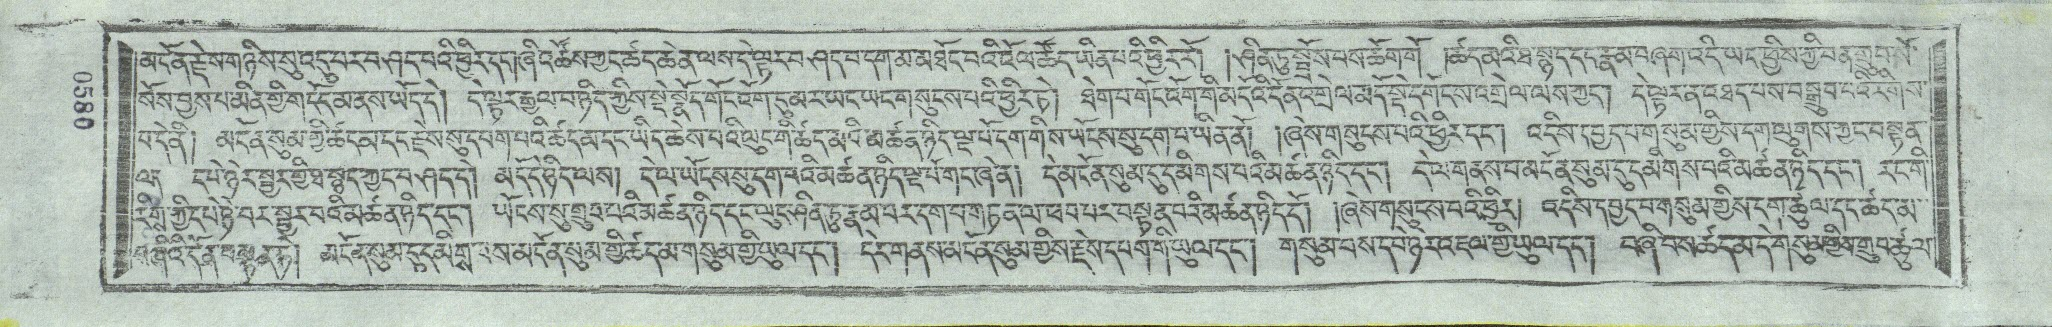མངོན་རྗེས་གཉིས་སུ་འདུ་བར་བཤད་པའི་ཕྱིར་དང་། ཞི་འཚོས་ཀྱང་ཚད་ཆེན་ལས་དེ་ལྟར་བཤད་པ་དག་མ་མཐོང་བའི་འོལ་ཚོད་ཡིན་པའི་ཕྱིར་རོ། །ཤིན་ཏུ་སྤྲོས་པས་ཆོག་གོ །ཚད་མའི་ཐ་སྙད་དང་རྣམ་བཞག་འདི་ཡང་ཕྱིས་ཀྱི་བན་གྲུབ་སོ་
སོས་བྱས་པ་མིན་གྱི་གདོད་མ་ནས་ཡོད་དེ། དེ་ལྟར་རྒྱལ་བ་ཉིད་ཀྱིས་སྡེ་སྣོད་གོང་འོག་དུ་མར་ཡང་ཡང་གསུངས་པའི་ཕྱིར་ཏེ། ཐེག་པ་གོང་འོག་གི་མདོའི་དོན་འགྲེལ་མདོ་སྡེ་དགོངས་འགྲེལ་ལས་ཀྱང་། དེ་ལྟར་ན་འཐད་པས་བསྒྲུབ་པའི་རིགས་
པ་དེ་ནི། མངོན་སུམ་གྱི་ཚད་མ་དང་རྗེས་སུ་དཔག་པའི་ཚད་མ་དང་ཡིད་ཆེས་པའི་ལུང་གི་ཚད་མའི་མཚན་ཉིད་ལྔ་པོ་དག་གིས་ཡོངས་སུ་དག་པ་ཡིན་ནོ། །ཞེས་གསུངས་པའི་ཕྱིར་དང་། འདིས་དཔྱད་པ་གསུམ་གྱིས་དག་ལུགས་ཀྱང་བསྟན་
ལ༑ དཔེ་ཉེར་སྦྱར་གྱི་ཐ་སྙད་ཀྱང་བཤད་དེ། མདོ་དེ་ཉིད་ལས། དེ་ལ་ཡོངས་སུ་དག་པའི་མཚན་ཉིད་ལྔ་པོ་གང་ཞེ་ན། དེ་མངོན་སུམ་དུ་དམིགས་པའི་མཚན་ཉིད་དང་། དེ་ལ་གནས་པ་མངོན་སུམ་དུ་དམིགས་པའི་མཚན་ཉིད་དང་། རང་གི་
རིགས་ཀྱི་དཔེ་ཉེ་བར་སྦྱར་བའི་མཚན་ཉིད་དང་། ཡོངས་སུ་གྲུབ་པའི་མཚན་ཉིད་དང་ལུང་ཤིན་ཏུ་རྣམ་པར་དག་པ་གཏན་ལ་ཕབ་པར་བསྟན་པའི་མཚན་ཉིད་དོ། །ཞེས་གསུངས་པའི་ཕྱིར། འདིས་དཔྱད་པ་གསུམ་གྱིས་དག་ཚུལ་དང་ཚད་མ་
བཞིའི་དོན་བསྟན་ཏེ། མངོན་སུམ་དུ་དམིགས་པས་མངོན་སུམ་གྱི་ཚད་མ་གསུམ་གྱི་ཡུལ་དང་། དེར་གནས་མངོན་སུམ་གྱིས་རྗེས་དཔག་གི་ཡུལ་དང་། གསུམ་པས་དཔེ་ཉེར་འཇལ་གྱི་ཡུལ་དང་། བཞི་པས་ཚད་མ་དེ་གསུམ་གྱིས་གྲུབ་ཚུལ་